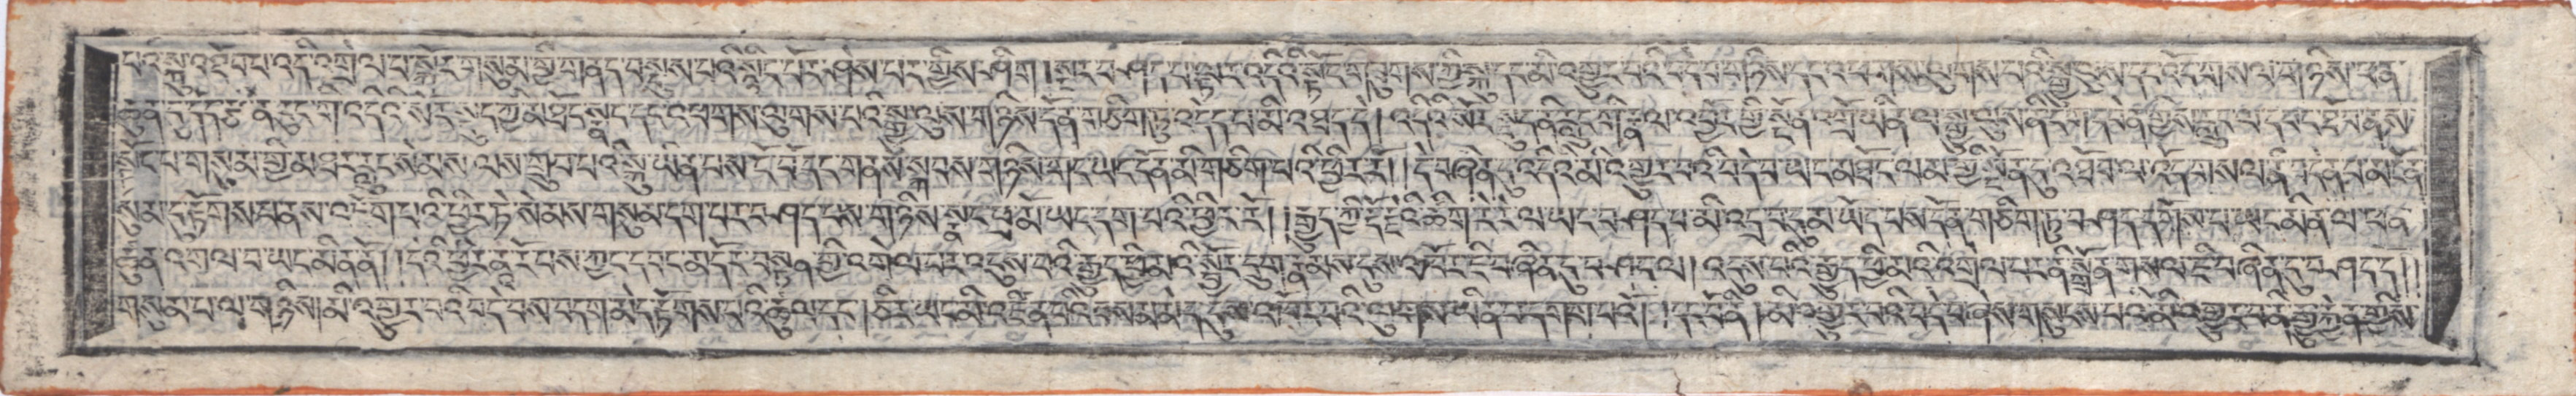པའི་སྐུ་འཐོབ་པ་འདི་འགྲེལ་པ་སྐོར་གསུམ་གྱི་གནད་བསྡུས་པའི་སྙིང་པོར་ཤེས་པར་གྱིས་ཤིག །སྔར་བཤད་པ་ལྟར་འདིའི་སྟོང་གཟུགས་ཀྱི་སྐུ་དང་མི་འགྱུར་བའི་བདེ་བ་གཉིས་དང་འཕགས་ལུགས་པའི་སྒྱུ་ལུས་དང་འོང་གསལ་གཉིས་ཕན་
ཚུན་དུ་དོད་རྩི་ན་རུང་གི་འདིའི་སོར་སྡུད་ཀྱི་མཐོང་སྣང་དང་འཕགས་ལུགས་པའི་སྒྱུ་ལུགས་གཉིས་དོན་གཅིག་ཏུ་འདོད་པ་མི་འཐད་དེ། འདིའི་སོར་སྡུད་ནི་རླུང་གི་རྣལ་འབྱོར་གྱི་སྔོན་འགྲོ་ཡིན་ལ་སྒྱུ་ལུས་ནི་ངག་དབེན་གྱིས་རླུང་ལ་དབང་ཐོབ་ནས་
སྟོང་པ་གསུམ་གྱི་མཐར་རླུང་སེམས་ལས་གྲུབ་པའི་སྐུ་ཡིན་པས་ངོ་བོ་དང་གནས་སྐབས་གཉིས་གང་ཡང་དོན་མི་གཅིག་པའི་ཕྱིར་རོ། །དེ་བཞིན་དུ་འདིའི་མི་འགྱུར་བའི་བདེ་བ་ཡང་མཐོང་ལམ་གྱི་སྔོན་དུ་འཐོབ་ལ་འོད་གསལ་ནི་བདེན་པ་མངོན་
སུམ་དུ་རྟོགས་པ་ནས་འཇོག་པའི་ཕྱིར་ཏེ་སེམས་གསུམ་དག་པར་བཤད་པས་གཉིས་སྣང་ཕྲ་མོ་ཡང་དག་པའི་ཕྱིར་རོ། །རྒྱུད་ཀྱི་རྡོ་རྗེའི་ཚིག་རེ་རེ་ལ་ཡང་བཤད་པ་མི་འདྲ་བ་དུ་མ་ཡོད་པས་དོན་གཅིག་ཏུ་བཤད་དགོས་པ་ཡང་མིན་ལ་ཕན་
ཚུན་འགལ་བ་ཡང་མིན་ནོ། །དེའི་ཕྱིར་ནཱ་རོ་པས་ཀྱང་དབང་མདོར་བསྟན་གྱི་འགྲེལ་པར་འདུས་པའི་རྒྱུད་ཕྱི་མའི་སྦྱོར་དྲུག་རྣམས་དུས་འཁོར་ཇི་བཞིན་དུ་བཤད་ལ། འདུས་པའི་རྒྱུད་ཕྱི་མའི་འགྲེལ་པར་ནི་སྒྲོན་གསལ་ཇི་བཞིན་དུ་བཤད་དོ། །
གསུམ་པ་ལ་གཉིས། མི་འགྱུར་བའི་བདེ་བས་བདག་མེད་རྟོགས་པའི་ཚུལ་དང་། ཅིར་ཡང་མི་འཛིན་པའི་བསམ་མེད་དུས་འཁོར་བའི་ལུགས་ཡིན་པ་དགག་པའོ། །དང་པོ་ནི། མི་འགྱུར་བའི་བདེ་བ་ཞེས་གསུངས་པའི་མི་འགྱུར་བ་ནི་རྒྱུ་རྐྱེན་གྱིས་